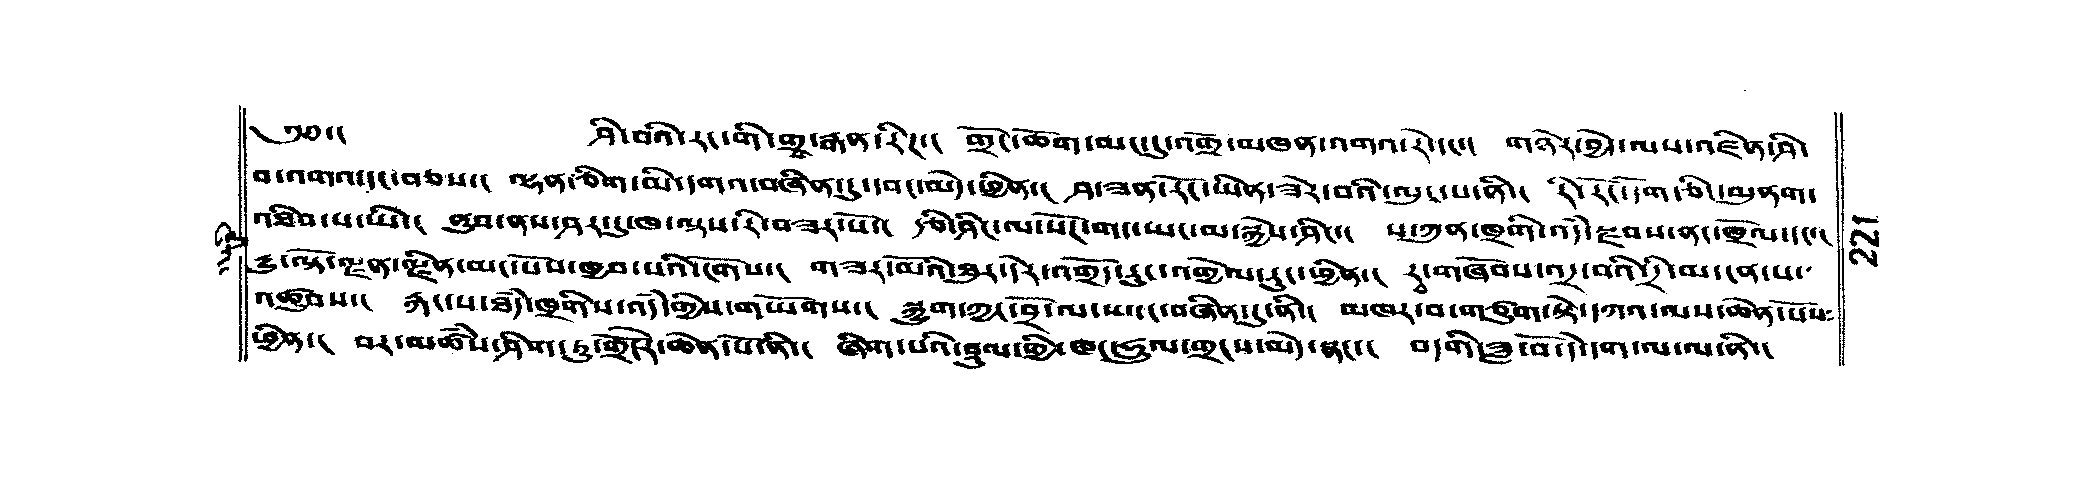ཤི་བའི་རང་གི་གྲྭ་རྒན་རིགས། །གྲོང་ཆོག་མང་དུ་འགྲོ་མཁན་འགའ་རེ་དང་། །གཉེར་བྱེད་ལས་འཛིན་ཤི་
བ་འགའ་དང་བཅས། །ལྷན་ཅིག་མི་དགའ་བཞིན་དུ་དབང་མེད་ཕྱིན། །ཤ་ཟན་རོང་ཡིན་ཟེར་བའི་ལུང་པ་ནི། །རི་རོང་དོག་ཅིང་མུན་ནག་
འཐིབ་པ་ཡི། །ནུབ་ནས་ཤར་དུ་ཁ་ལྟས་རི་གཟར་པོ། །རྩི་ཤིང་ལ་སོགས་གང་ཡང་མ་སྐྱེས་ཤིང་། །ས་ཀུན་ཁྲག་གི་འདམ་རྫབ་ནང་ཁྲོལ་དང་། །
རྒྱུ་ལྟོ་ལྗན་ལྗིན་མང་པོས་ཁྱབ་པའི་ངོགས། །གཟར་མོའི་ཐུར་དེར་འདྲེད་རུང་འགྱེལ་རུང་ཕྱིན། །རྭ་གཞོབ་འདྲ་བའི་དྲི་མ་ངན་པ་
འཚུབས། །རྐང་པ་ཐམས་ཅད་ཁྲག་གིས་འདམ་གྱིས་གཡོགས། །སྐྱུག་ཀྱང་བྲོ་ལ་ས་ངང་བཞིན་དུ་ནི། །མཁར་བ་གཙུགས་ཏེ་དཀའ་ལས་ཆེན་པོས་
ཕྱིན། །བར་མཚམས་ཤིག་ཏུ་གྲོང་ཁྱེར་ཆེན་པོ་ནི། །ཞིག་པའི་ཤུལ་གྱི་ཁང་ཧྲུལ་གྲངས་མེད་སྣང་། །བདག་གི་ཟླ་བོ་དེ་དག་ལ་ལ་ནི།